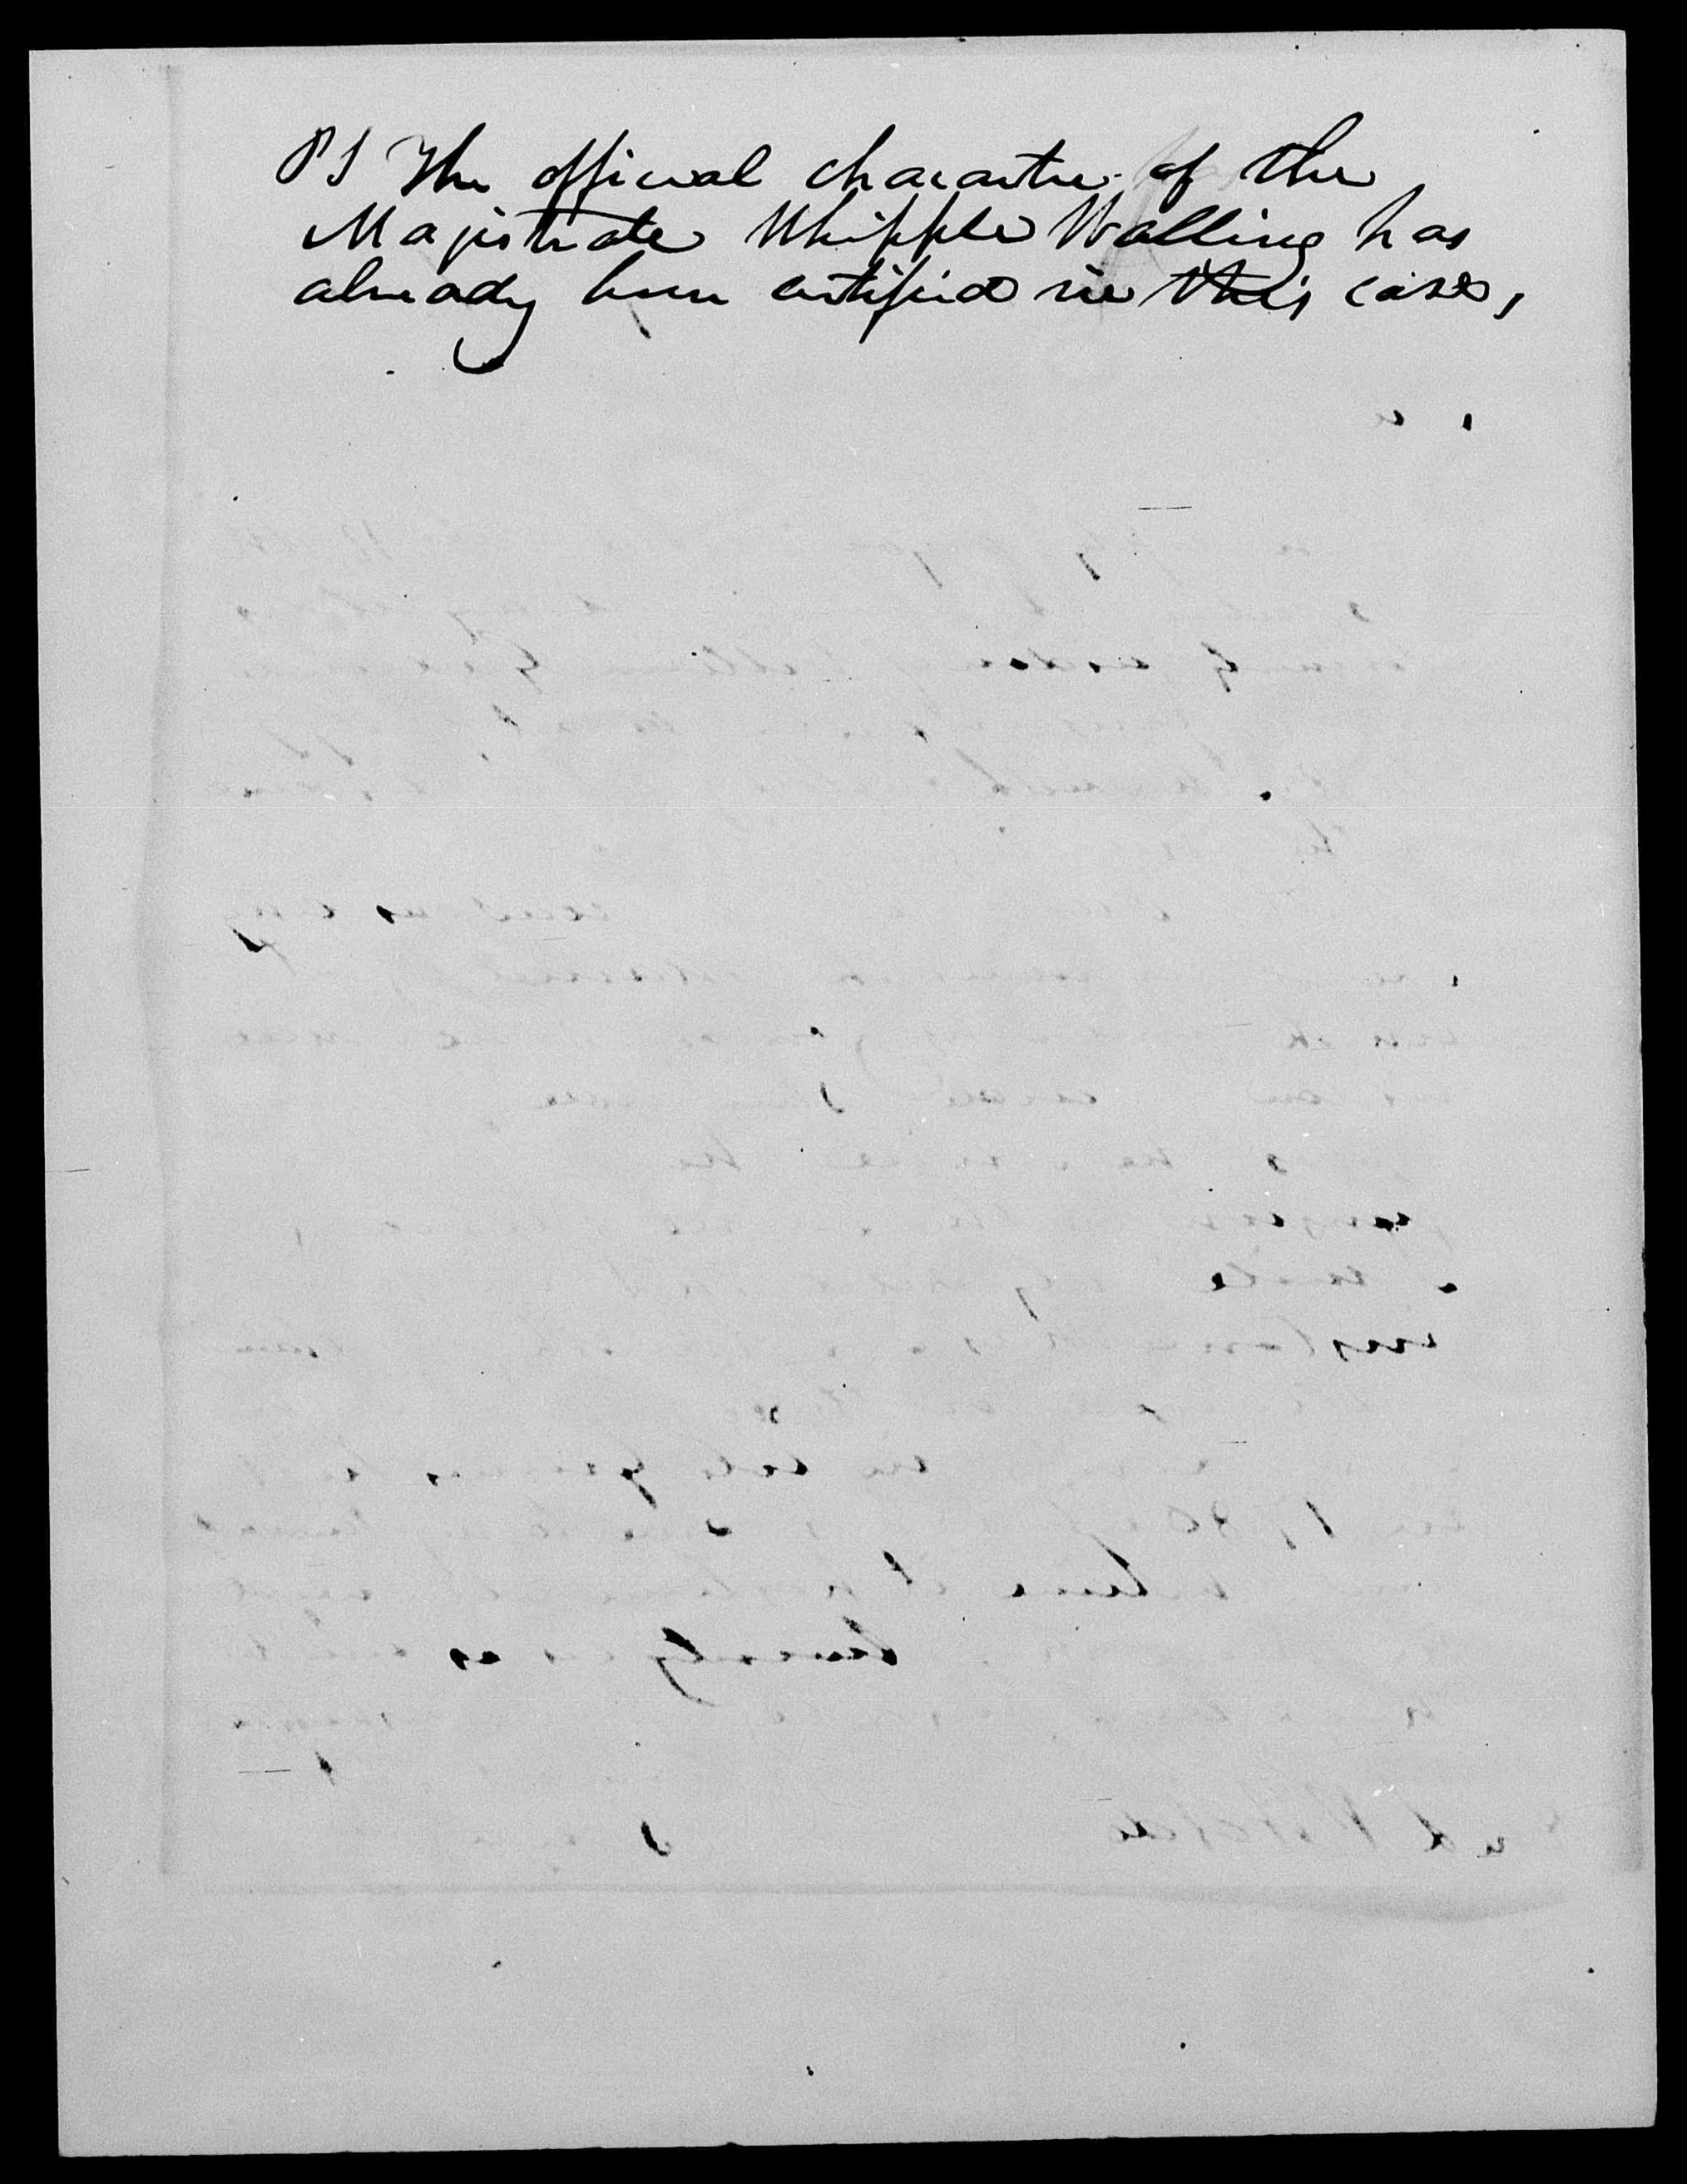P. S. The official character of the
Magistrate Whipple Walling has
already been certified in this case,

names: Whipple Walling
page: 29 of 76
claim: widow's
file: W. 15,517, William Gadcomb, R.I.